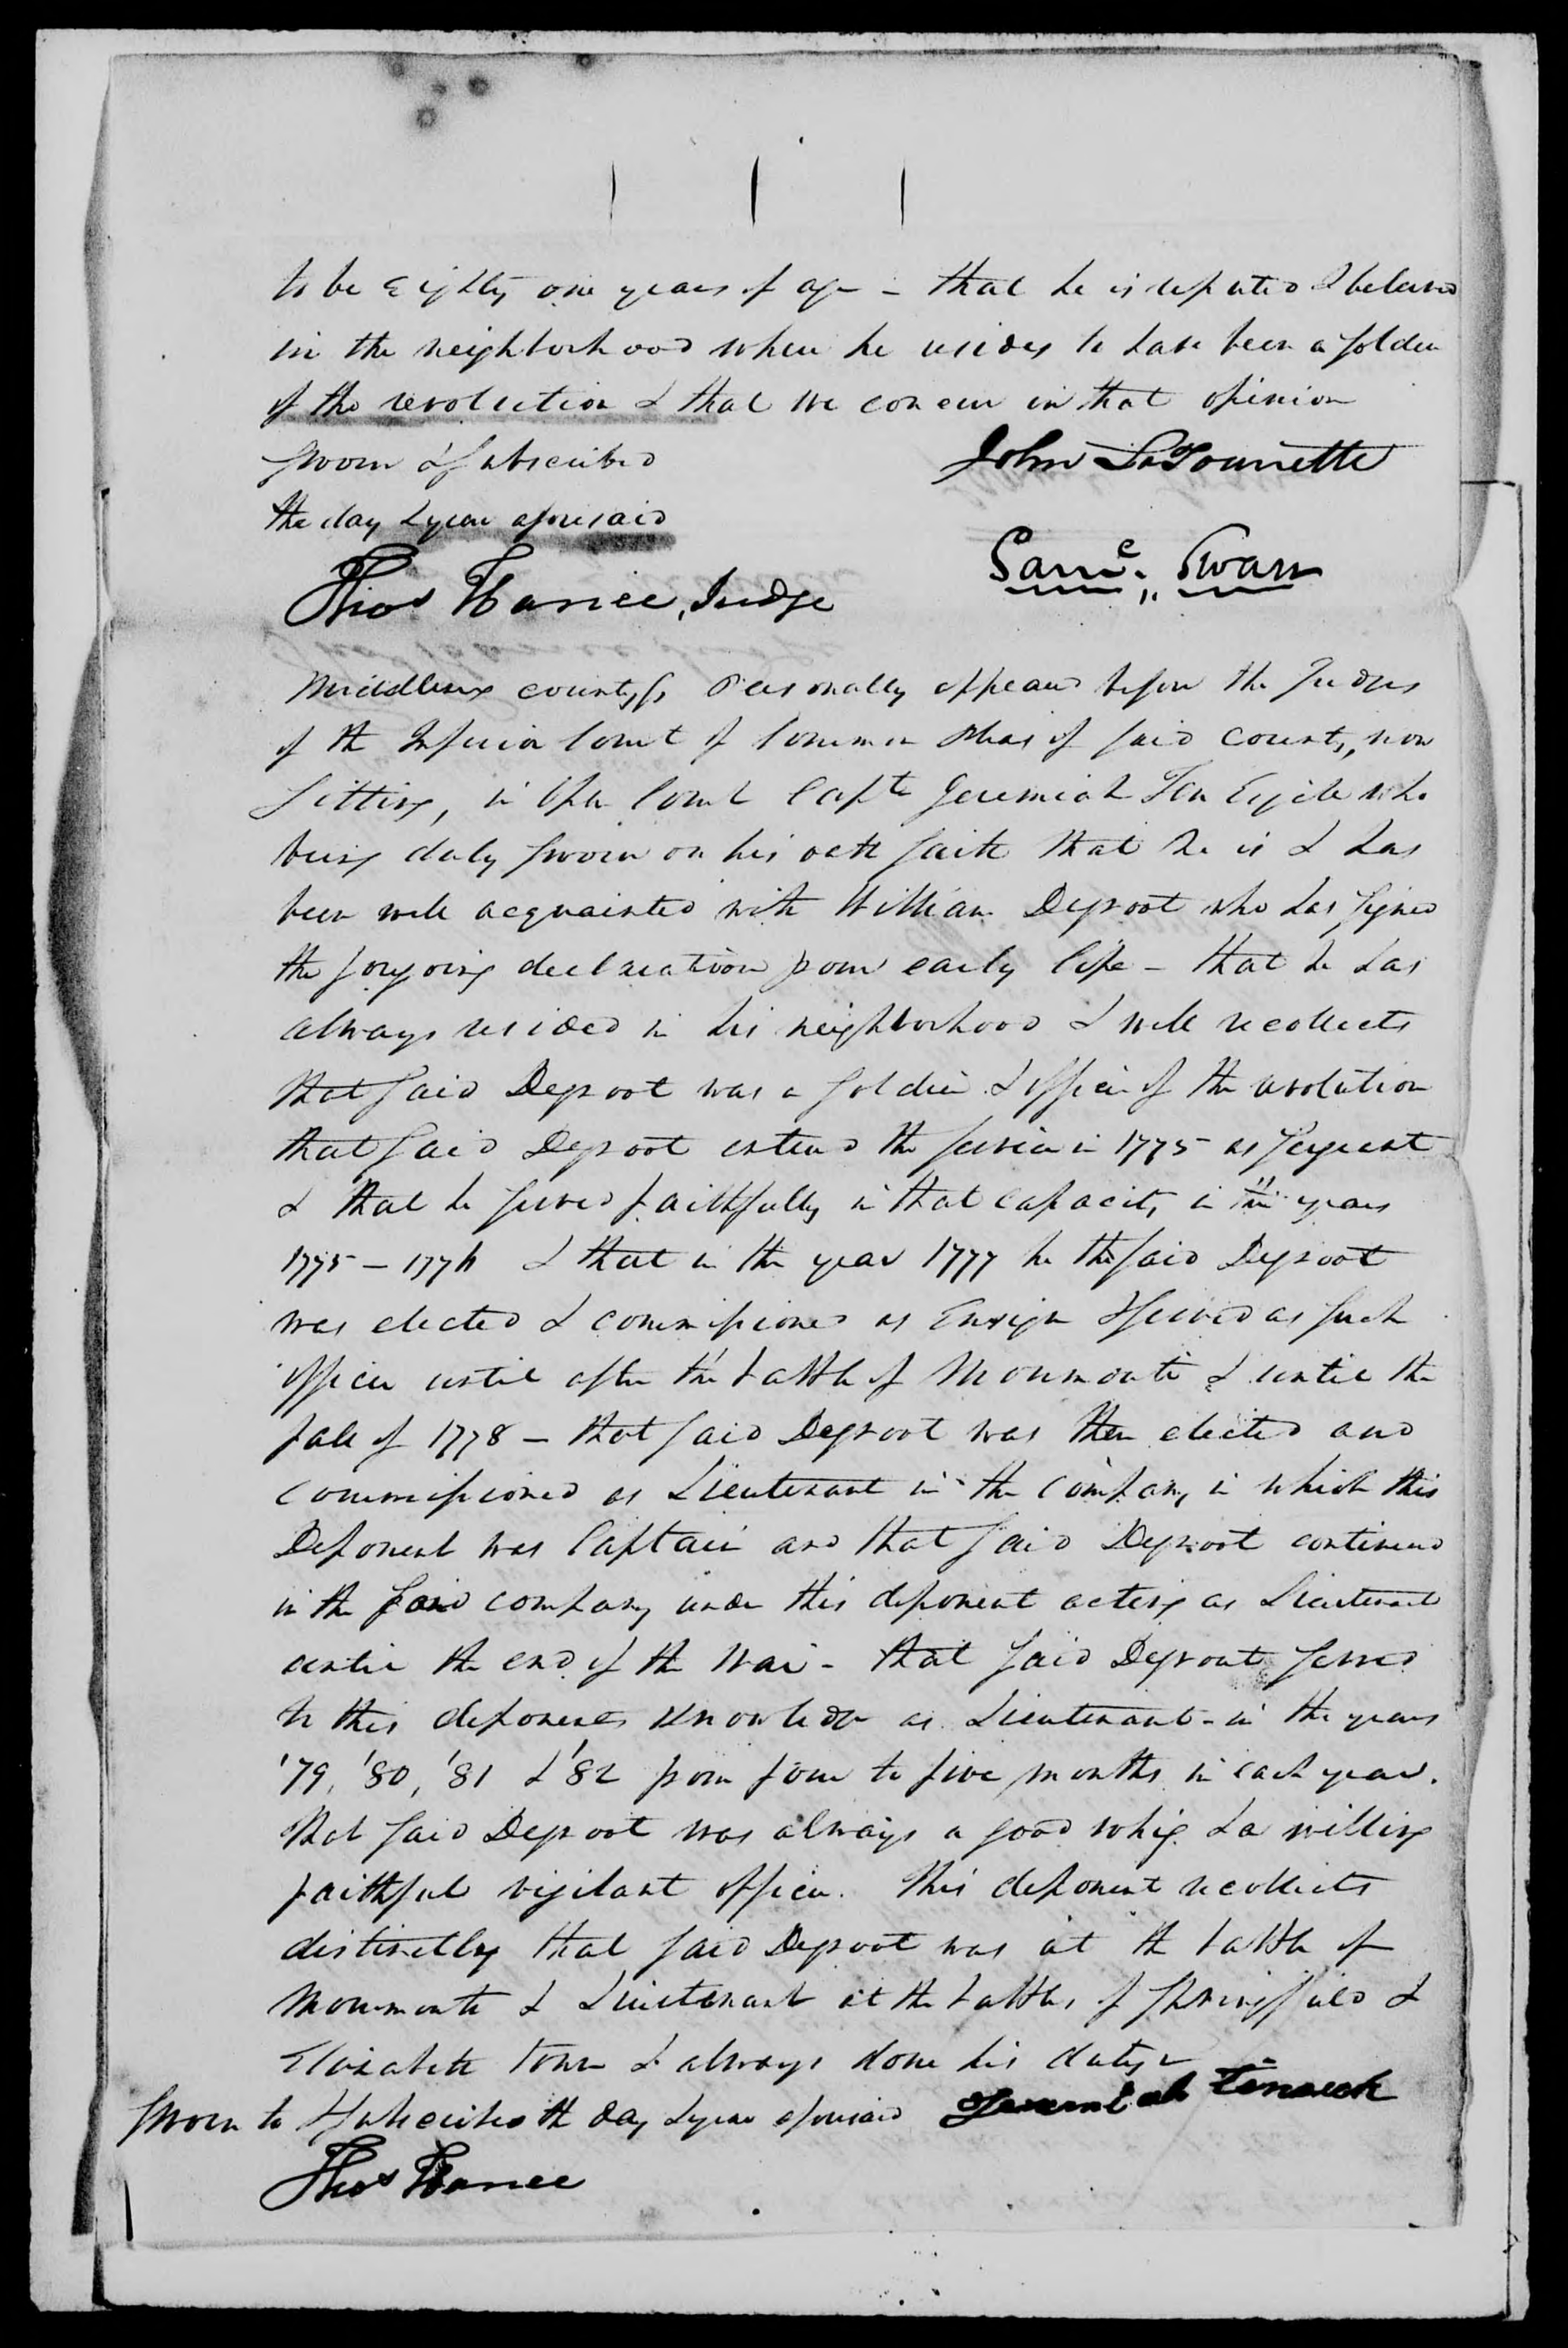to be eighty one years of age - that he is reputed + believed in the neighborhood and where he resides to have been a soldier of the revolution + that we concur in that opinion  John Latourrette, Saml. Swan
Sworn + subscribed the day + year aforesaid Thos Hance, Judge
  Middlesex county, personally appeared before the Judges of the Inferior Court of Common Pleas of said court, now sitting, in open court Capt Jeremiah Ten Eyck who being duly sworn his oath saith that he is + has been well acquainted with William Degroot who has signed the foregoing declaration from early life - that he has always resided in his neighborhood + well recollects that said Degroot was a soldier + officer of the revolution that aid Degroot entered the service in 1775 - as Sergeant + that he served faithfully in that capacity, in the years 1775-1776 + that in the year 1777 he the said Degroot was elected + commissioned as Ensign + served as such officer until after the battle of Monmouth + until the fall of 1778 - that said Degroot was then elected and commissioned as Lieutenant in the company in which this deponent was Captain and that said deponent continued in the said company under this deponent acting as Lieutenant until the end of the war - that said deponent served in this deponents knowledge as lieutenant in the years '79, '80, '81 + '82 from four to five months in each year, that said deponent was always a good whig + a willing faithful vigilant officer. This deponent recollects distinctly that said Degroot was at the battle of Monmouth + lieutenant at the battle of Plainfield + Elizabeth town + always done his duty.
Sworn to + subscribed the day + year aforesaid Jeremiah Teneyck, Thos Hance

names: Degroat, Jeremiah Teneick, William Degroot, Degroot, Degroot, Degroot, John La Tourrette, Degroot, Thos Hance, Degroot, Thos Hance, Saml Swan, Degroot, Degroot, Jeremiah Ten Eyck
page: 10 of 77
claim: widow's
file: W. 417, William De Groot, New Jersey